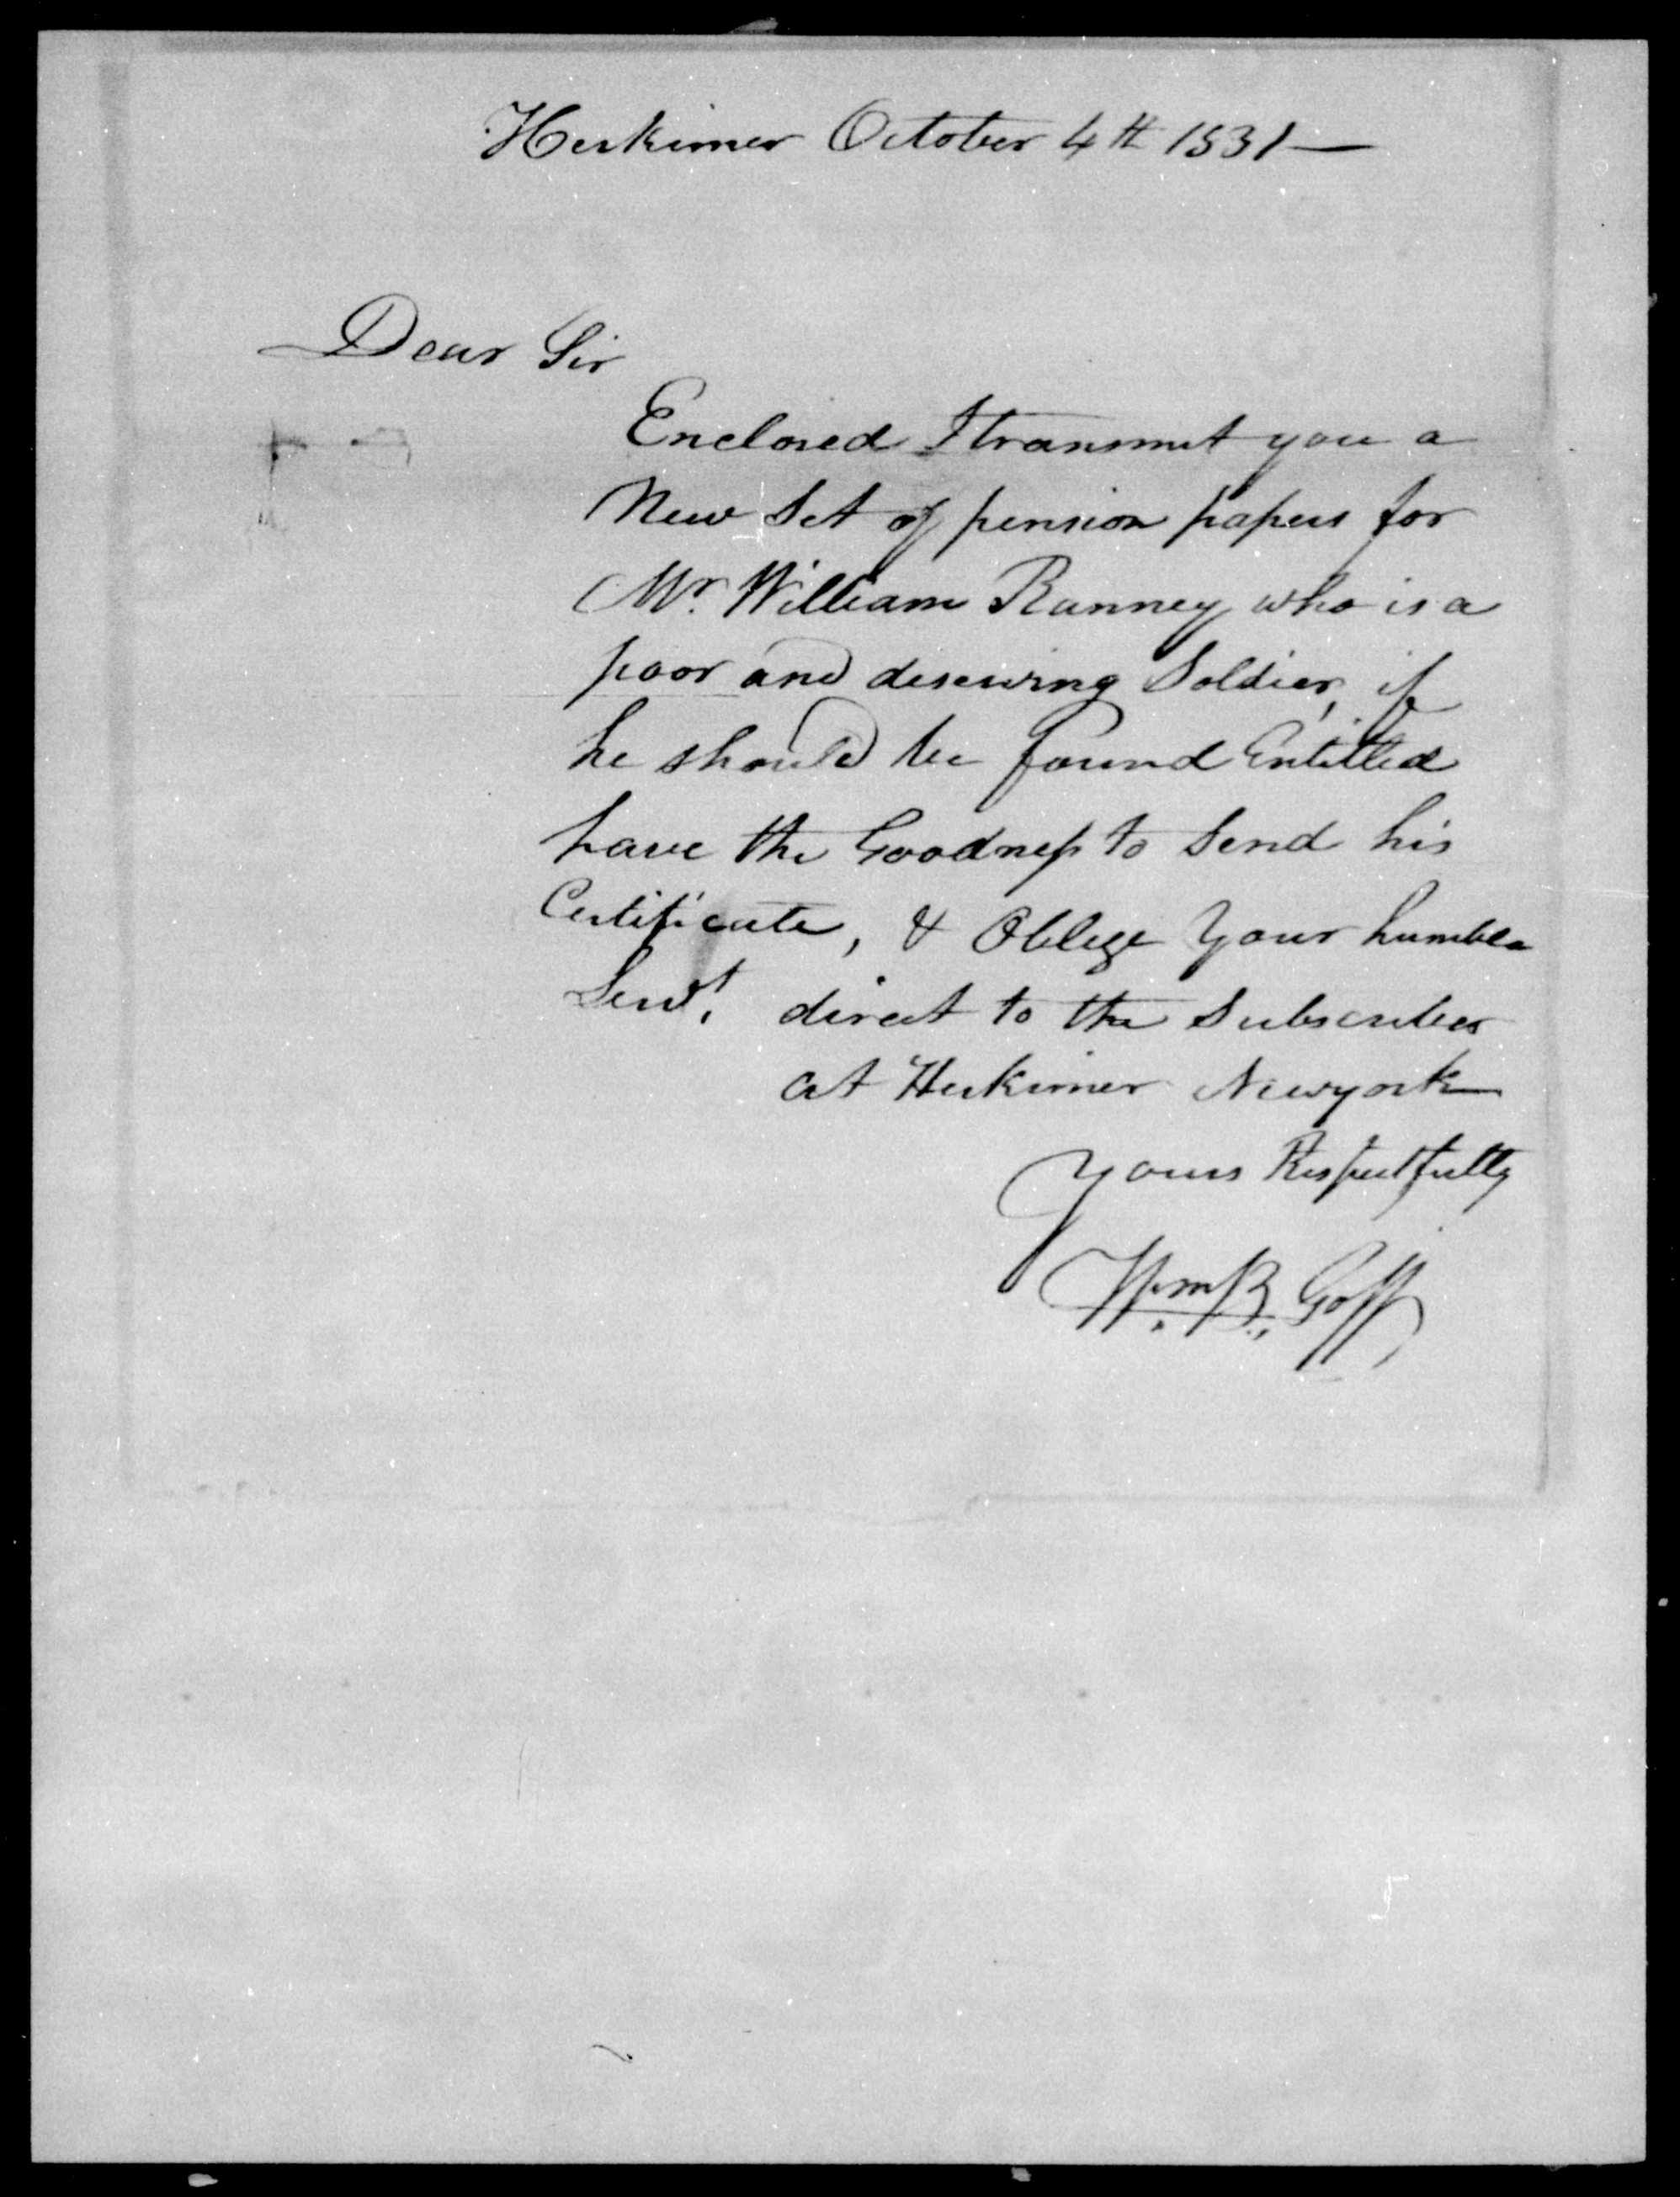Herkimer October 4th 1831
Dear Sir
Enclosed I transmit you a new set of pension papers for Mr. William Ranney who is a poor and deserving soldier if he should be found entitled have the goodness to send his certificate & oblige your humble serv't [servant] direct to the subscriber at Herkimer New York
Yours respectfully
Wm. B. Goff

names: Wm B Goff; William Ranney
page: 8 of 12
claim: rejected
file: R. 8,593, for William Ranney, Connecticut